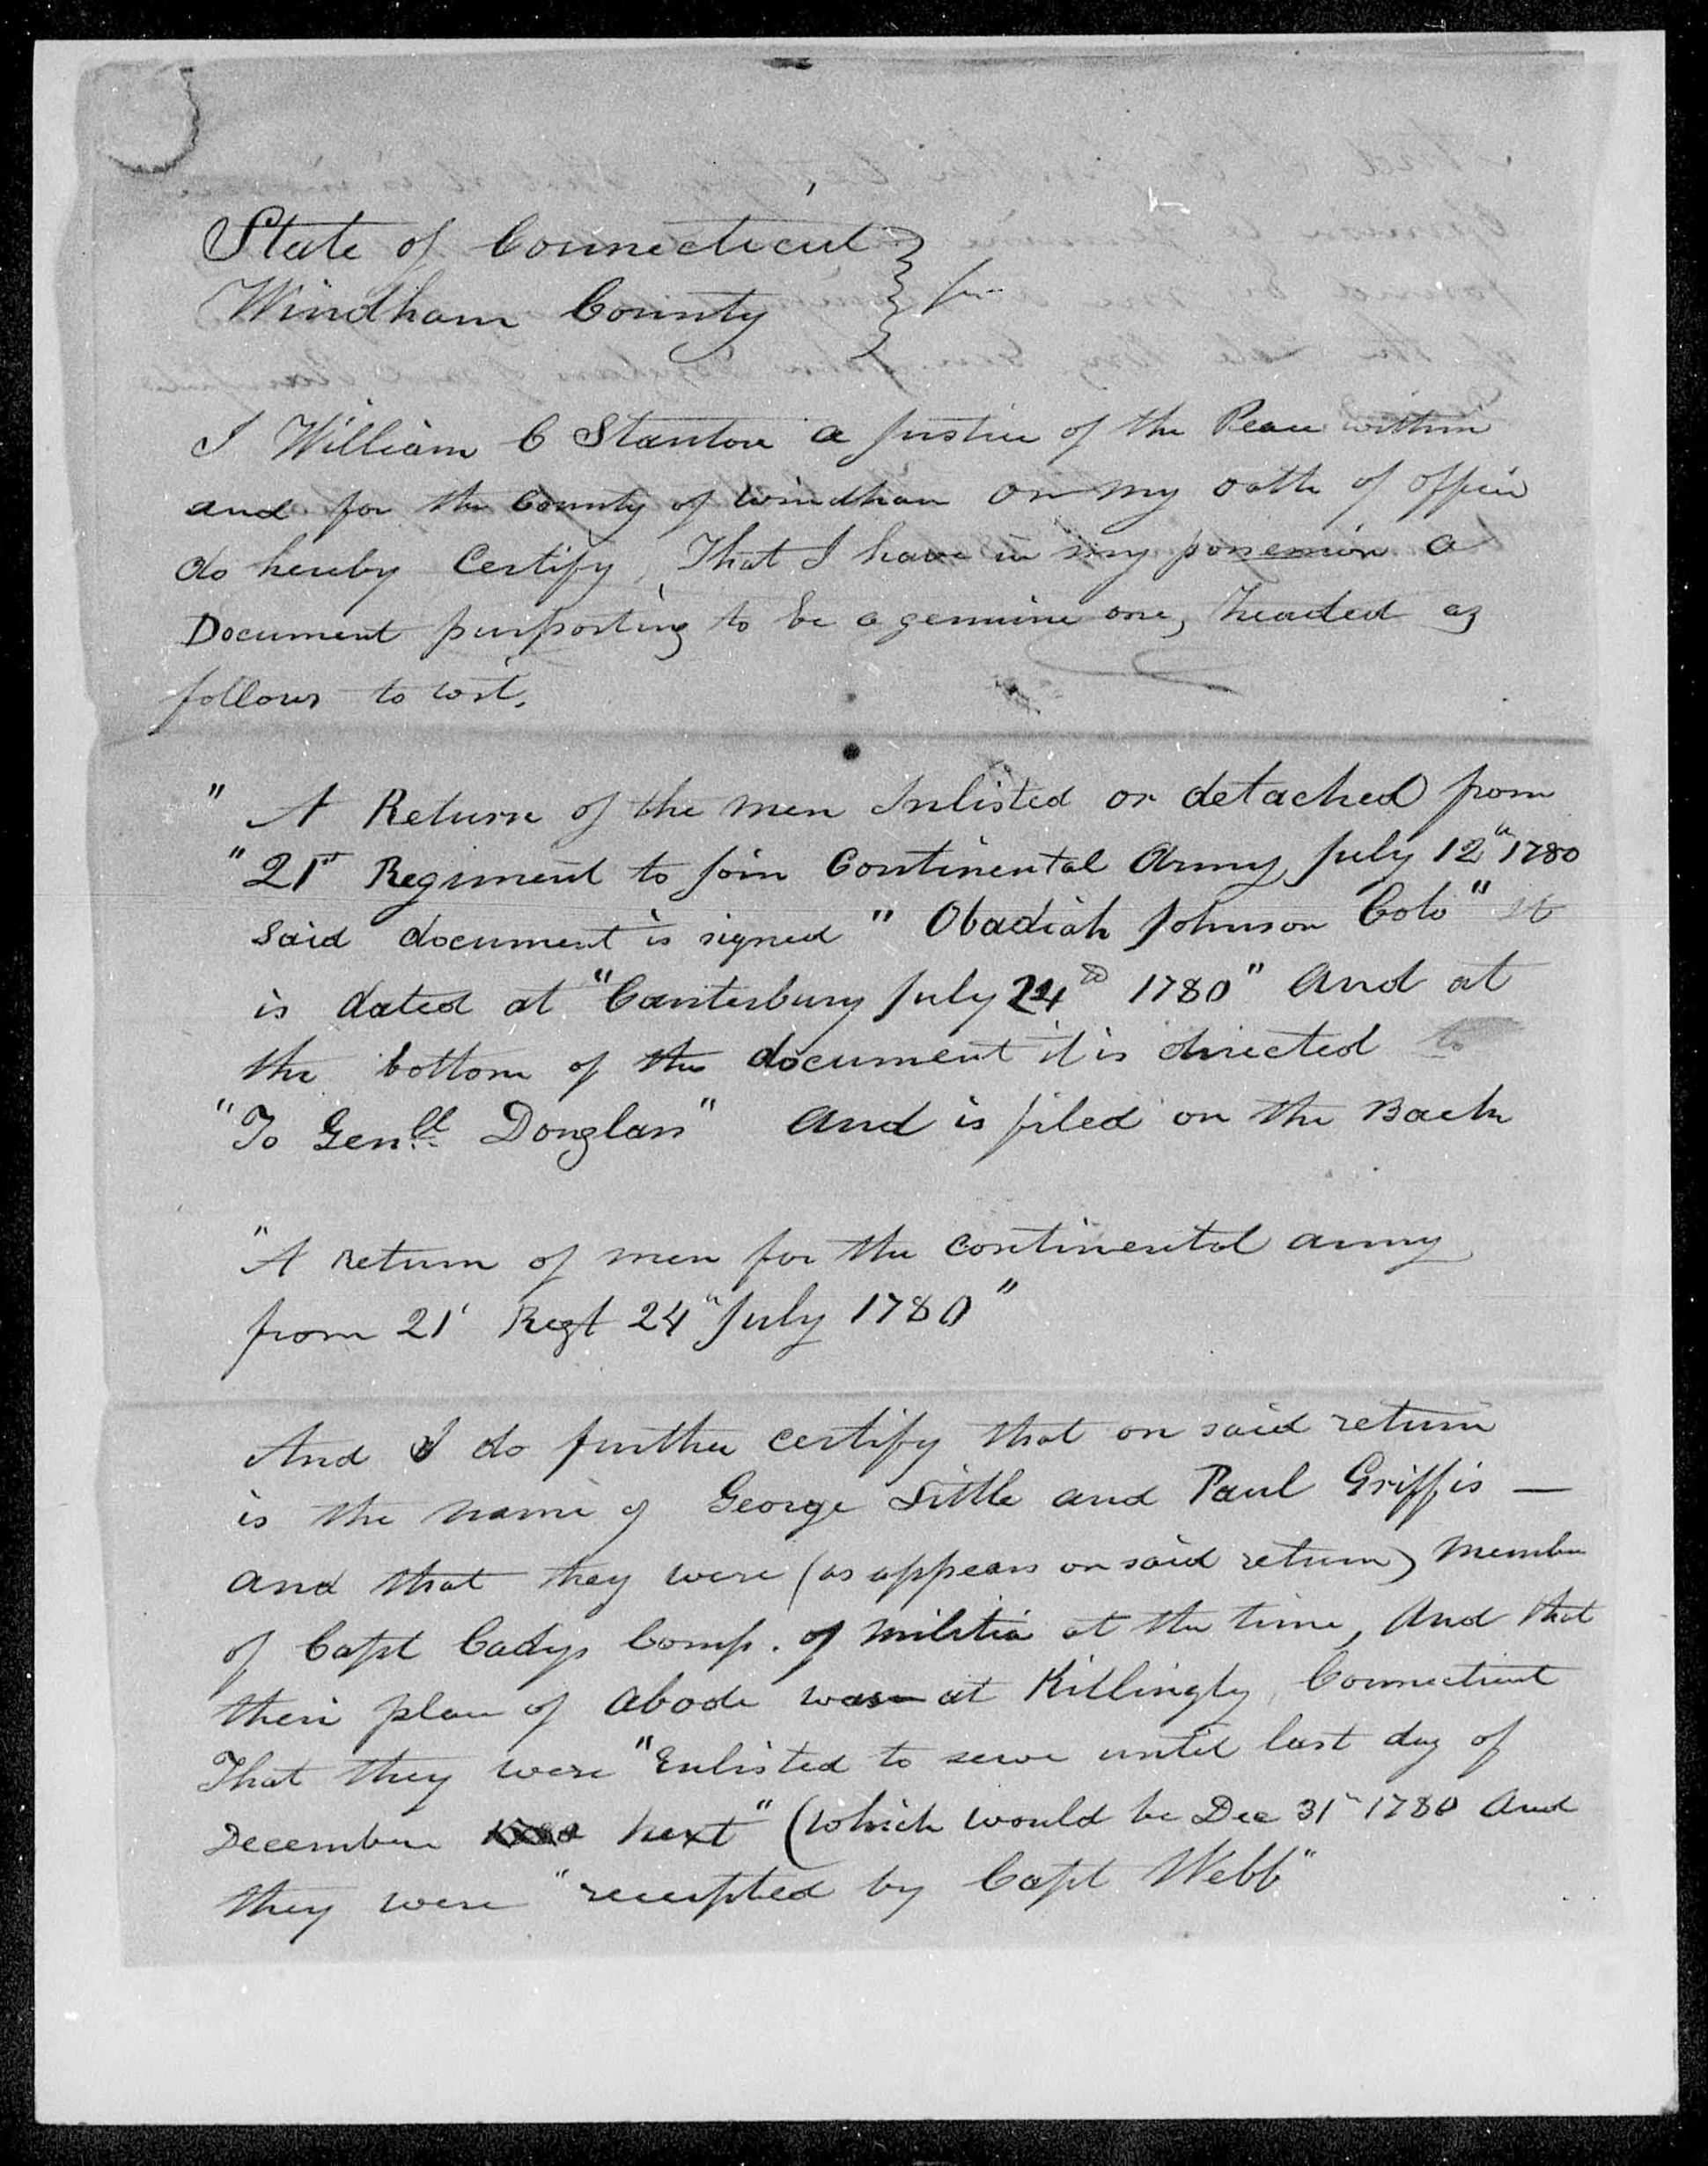State of Connecticut
Windham County} Ss
I William C. Stanton a Justice of the Peace within
and for the County of Windham on my oath of office
do hereby certify That I have in my possession a
Document purporting to be a genuine one, headed as
follows to wit,
A Return of the men inlisted or detached from
“21st Regiment to Join Continental Army July 12th 1780
said document is signed "Obadiah Johnson Colo." It
is dated at "Canterbury July 24th 1780" and at
the bottom of the document it is directed 
“To Genl Douglass” and is filed on the Back
“A return of men for the continental army
from 21 Regt 24th July 1780”
And I do further certify that on said return
is the name of George Little and Paul Griffis
and that they were (as appears on said return) members of
Capt. Cady’s Comp. of militia at the time, and that
their place of abode was at Killingly, Connecticut
That they were “enlisted to serve until last day of
December next (which would be Dec 31st 1780 and
they were “receipted by Capt. Webb”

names: George Little, Douglass, Webb, Paul Griffis, Obadiah Johnson Cole, William C Stanton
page: 56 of 61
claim: survivor's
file: S. 22798, Paul Griffiths, R.I.